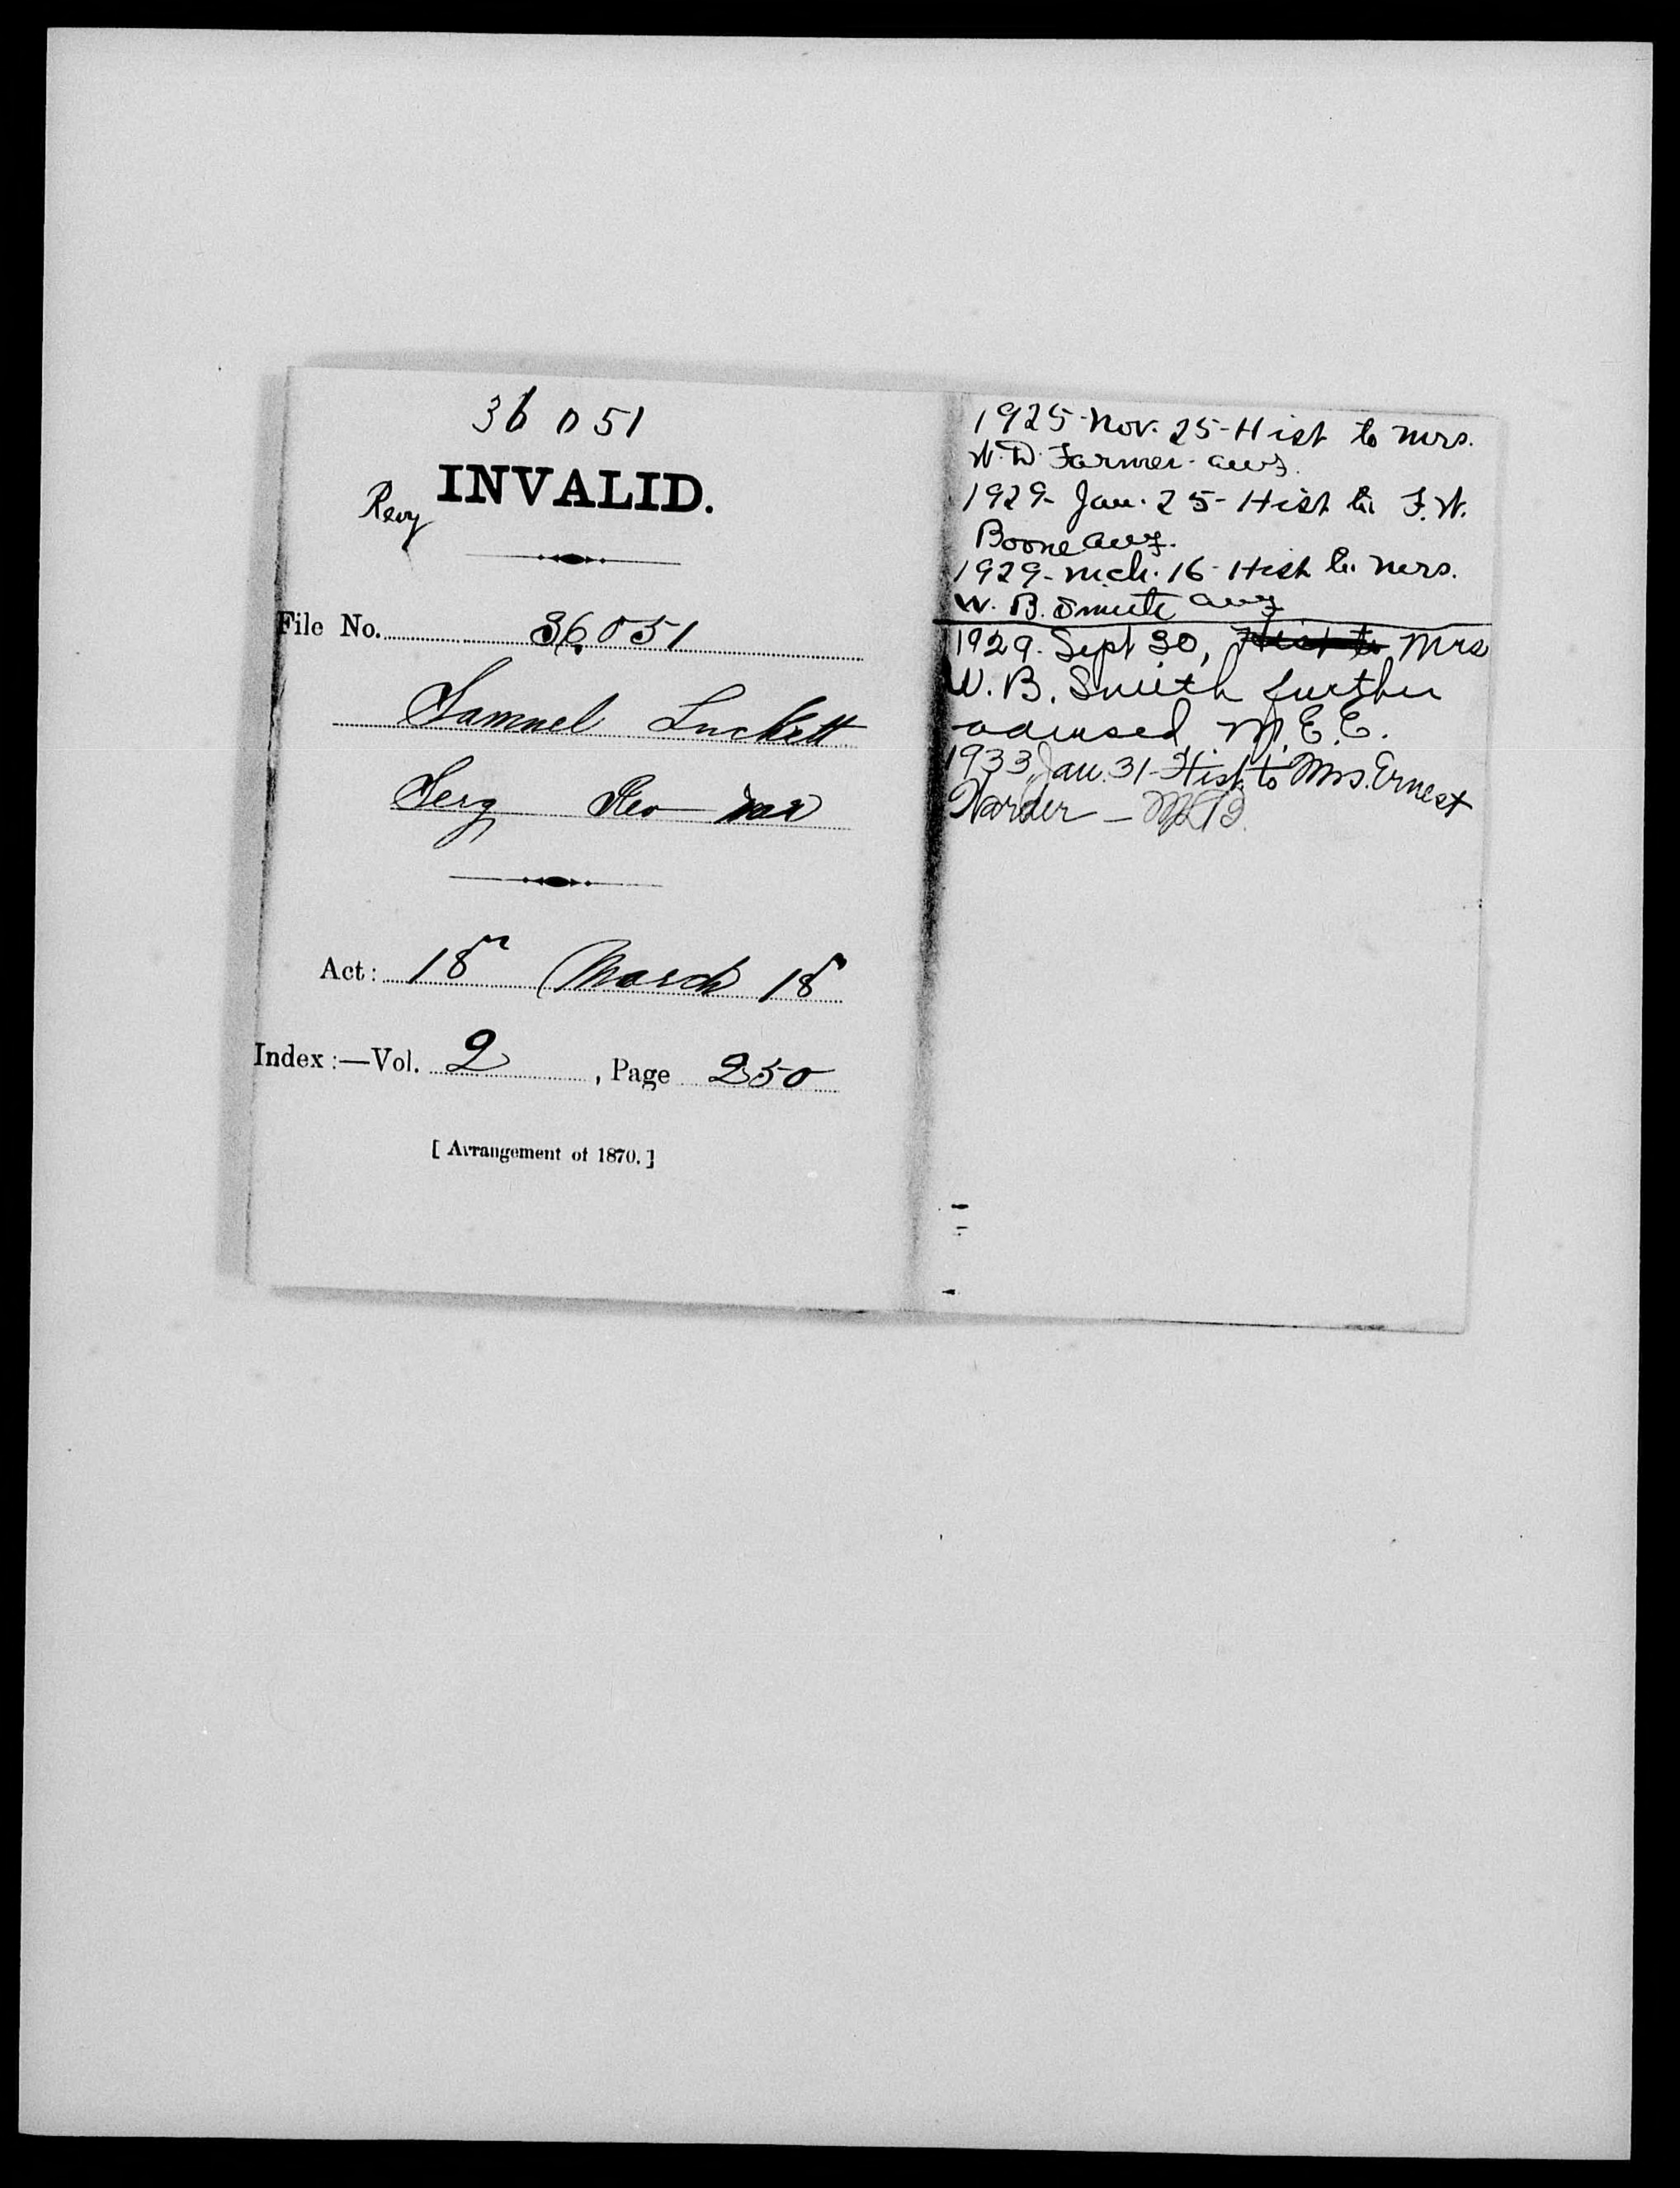36051
INVALID
Revy

File NO 36051
Samuel Luckett
Serg Rev War

Act: 18 March '18
Index Vol 2 Page 250

[Arrangement of 1870.]

1925 Nov 25 - Hist to Mrs. W D Garmer
1929 Jan 25 - Hist to F.W. Boone
1929 Mch 16 - Hist to Mrs. W.B. Smith
1929 Sep 30 - Mrs. W B Smith further advised
1933 Jan 31 - Hist to Mrs. Ernest Warder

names: Samuel Luckett; F W Boone; W B Smith; Ernest Warder; W D Farmer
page: 26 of 34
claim: survivor's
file: S. 36,051, for Samuel Luckett, Maryland